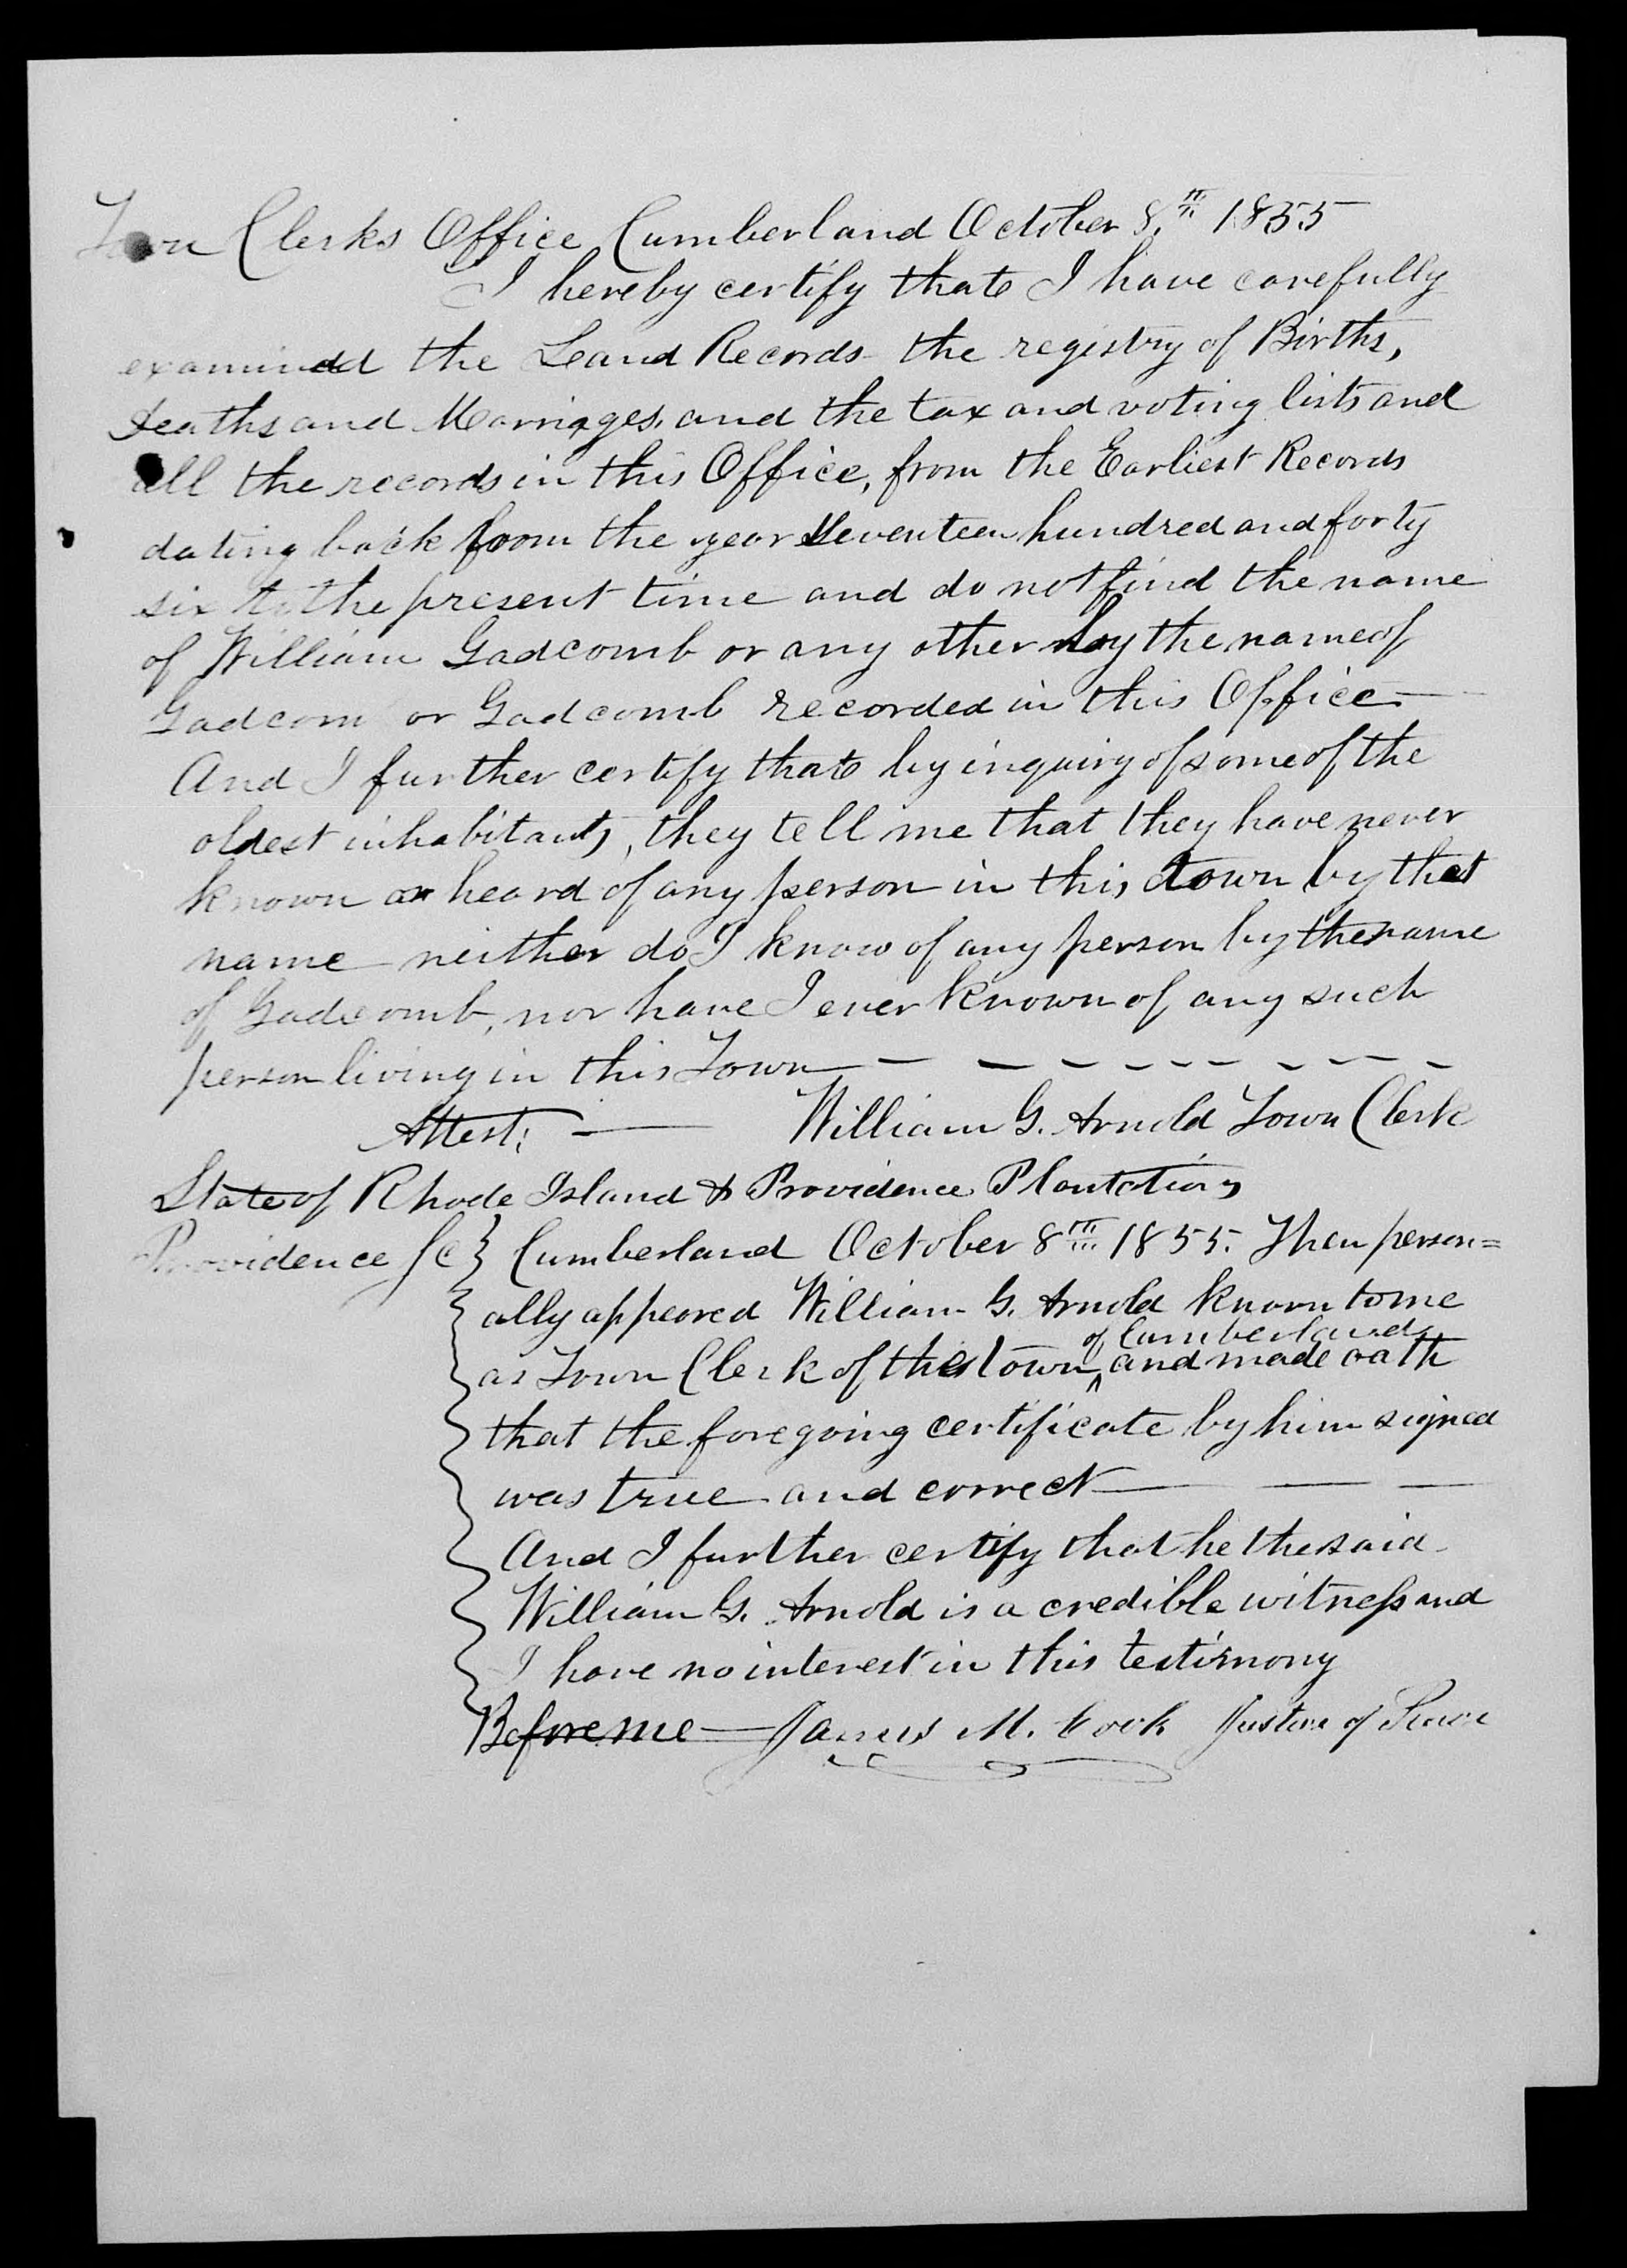Twon Clerks Office Cumberland October 8th 1855. I hereby certify that I have carefully examined the Land Records the registry of Births, deaths and Marriages, and the tax and voting lists and all the records in this Office, from the Earliest Records dating back from the year Seventeen hundred and forty six to the present time and do not find the name of William Gadcomb or any other by the name of Gadcom or Gadcomb recorded in this Office. And I further certify that by inquiry of some of the oldest inhabitants, they tell me that they have never known or heard of any person in this town by that name. Neither do I know of any person by the name of Gadcomb, nor have I ever known of any such person living in this Town. Attest: William G. Arnold Town Clerk
State of Rhode Island & Providence Plantations Providence Sc. Cumberland October 8th 1855 Then personally appeared William G. Arnold known to me as Town Clerk of the town of Cumberland and made oath that the foregoing certificate by him signed was true and correct. And I further certify that he the said William G. Arnold is a credible witness and I have no interest in this testimony. Before me James M. Cook Justice of Peace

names: William G Arnold, William G Arnold, James M Cook, William G Arnold, Gadcomb, Gadcomb, William Gadcomb, Gadcom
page: 44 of 76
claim: widow's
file: W. 15,517, William Gadcomb, R.I.